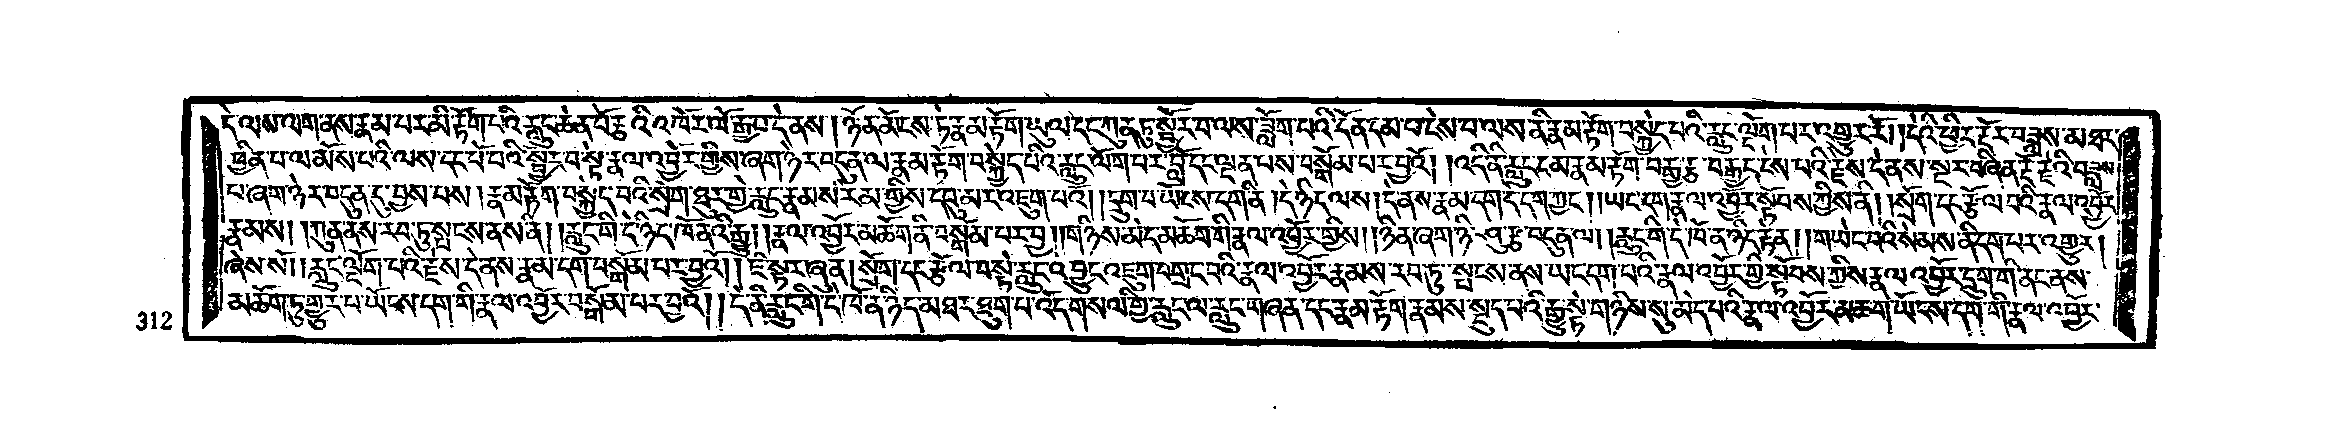དེ་ལས་ལོག་ནས་རྣམ་པར་མི་རྟོག་པའི་རླུང་ཆེན་པོ་རྩའི་འཁོར་ལོ་རྒྱ་བ་དེ་ནས། ཉན་མོངས་ཏེ་རྣམ་རྟོག་ཡུལ་དང་ཀུན་ཏུ་སྦྱོར་བ་ལས་ཟློག་པའི་དོན་དམ་པ་ངེས་པ་ལས་ནི་རྣམ་རྟོག་བསྐྱེད་པའི་རླུང་ལྡོག་པར་འགྱུར་རོ། །དེའི་ཕྱིར་རྡོར་བཟླས་མཐར་
ཕྱིན་པ་ལ་མོས་པའི་ལས་དང་པོ་པའི་སྦྱོར་བ་སྟེ་རྣལ་འབྱོར་གྱིས་ཞག་ཉེར་བདུན་ལ་རྣམ་རྟོག་བསྐྱེད་པའི་རླུང་ལོག་པར་བློ་དང་ལྡན་པས་བསྒོམ་པར་བྱའོ། །འདི་ནི་རླུང་ངམ་རྣམ་རྟོག་བརྒྱ་རྩ་བརྒྱད་ངེས་པའི་རྗེས་དེ་ནས་སྔར་བཞིན་རྡོ་རྗེའི་བཟླས་
པ་ཞག་ཉེར་བདུན་དུ་བྱས་པས། རྣམ་རྟོག་བསྐྱེད་བའི་སྲོག་ཐུར་གྱི་རླུང་རྣམས་རིམ་གྱིས་དབུ་མར་འཇུག་པའོ། །དྲུག་པ་ཡོངས་དག་ནི། དེ་ཉིད་ལས། དེ་ནས་རྣམ་དག་དེ་དག་ཀྱང་། །ཡང་དག་རྣལ་འབྱོར་སྟོབས་ཀྱིས་ནི། །སྲོག་དང་རྩོལ་བའི་རྣལ་འབྱོར་
རྣམས། །ཀུན་ནས་རབ་ཏུ་སྤངས་ནས་ནི། །རླུང་གི་དེ་ཉིད་ཁོ་ནའི་རྒྱུ། །རྣལ་འབྱོར་མཆོག་ནི་བསྒོམ་པར་བྱ། །གཉིས་མེད་མཆོག་གི་རྣལ་འབྱོར་གྱིས། །ཉིན་ཞག་ཉི་ཤུ་རྩ་བདུན་ལ། །རླུང་གི་དེ་ཁོ་ན་ཉིད་རྟེན། །གཡེང་བའི་སེམས་ནི་དག་པར་འགྱུར།
ཞེས་སོ། །རླུང་ལྡོག་པའི་རྗེས་དེ་ནས་རྣམ་དག་བསྒོམ་པར་བྱའོ། །ཇི་སྟར་ཞེ་ན། སྲོག་དང་རྩོལ་བ་སྟེ་རླུང་འབྱུང་འཇུག་བགྲང་བའི་རྣལ་འབྱོར་རྣམས་རབ་ཏུ་སྤངས་ནས་ཡང་དག་པའི་རྣལ་འབྱོར་གྱི་སྟོབས་ཀྱིས་རྣལ་འབྱོར་དྲུག་གི་ནང་ནས་
མཆོག་ཏུ་གྱུར་པ་ཡོངས་དག་གི་རྣལ་འབྱོར་བསྒོམ་པར་བྱའོ། །དེ་ནི་རླུང་གི་དེ་ཁོ་ན་ཉིད་མཐར་ཐུག་པ་འོད་གསལ་གྱི་རླུང་ལ་རླུང་གཞན་དང་རྣམ་རྟོག་རྣམས་སྡུད་པའི་རྒྱུ་སྟེ་གཉིས་སུ་མེད་པའི་རྣལ་འབྱོར་མཆོག་ཡོངས་དག་གི་རྣལ་འབྱོར་